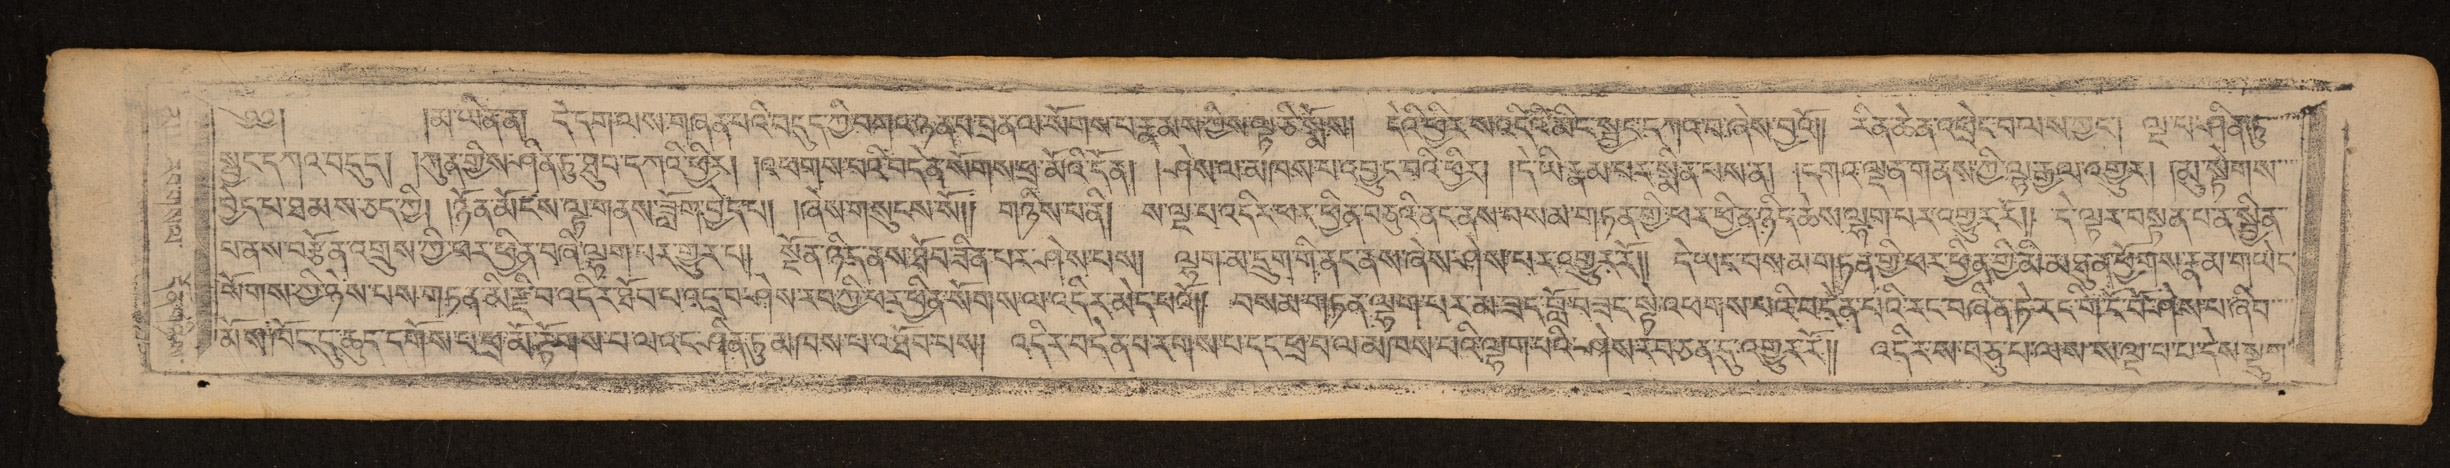༄༅། །མ་ཡིན་ན། དེ་དག་ལས་གཞན་པའི་བདུད་ཀྱི་བཀའ་ཉན་པ་བྲན་ལ་སོགས་པ་རྣམས་ཀྱིས་ལྟ་ཅི་སྨོས། དེའི་ཕྱིར་ས་འདིའི་མིང་སྦྱང་དཀའ་བ་ཞེས་བྱའོ།། རིན་ཆེན་འཕྲེང་བ་ལས་ཀྱང་། ལྔ་པ་ཤིན་ཏུ་
སྦྱང་དཀའ་བདུད། །ཀུན་གྱིས་ཤིན་ཏུ་ཐུབ་དཀའི་ཕྱིར། །འཕགས་པའི་བདེན་སོགས་ཕྲ་མོའི་དོན། །ཤེས་ལ་མཁས་པ་འབྱུང་བའི་ཕྱིར། །དེ་ཡི་རྣམ་པར་སྨིན་པས་ན། །དགའ་ལྡན་གནས་ཀྱི་ལྷ་རྒྱལ་འགྱུར། །མུ་སྟེགས་
བྱེད་པ་ཐམས་ཅད་ཀྱི། །ཉོན་མོངས་ལྟ་གནས་ཟློག་བྱེད་པ། །ཞེས་གསུངས་སོ།། གཉིས་པ་ནི། ས་ལྔ་པ་འདིར་ཕར་ཕྱིན་བཅུའི་ནང་ནས་བསམ་གཏན་གྱི་ཕར་ཕྱིན་ཉིད་ཆེས་ལྷག་པར་འགྱུར་རོ།། དེ་ལྟར་བསྟན་པ་ན་སྦྱིན་
པ་ནས་བརྩོན་འགྲུས་ཀྱི་ཕར་ཕྱིན་བཞི་ལྷག་པར་འགྱུར་བ། སྔོན་ཉིད་ནས་ཐོབ་ཟིན་པར་ཤེས་པས། ལྷག་མ་དྲུག་གི་ནང་ནས་ཞེས་ཤེས་པར་འགྱུར་རོ།། དེ་ཡང་བསམ་གཏན་གྱི་ཕར་ཕྱིན་གྱི་མི་མཐུན་ཕྱོགས་རྣམ་གཡེང་
སོགས་ཀྱི་ཉེས་པས་གཏན་མི་རྫི་བ་འདིར་ཐོབ་པ་འདྲ་བ་ཤེས་རབ་ཀྱི་ཕར་ཕྱིན་སོགས་ལ་འདིར་མེད་པའོ།། བསམ་གཏན་ལྷག་པར་མ་ཟད་བློ་བཟང་སྟེ་འཕགས་པའི་བདེན་པའི་རང་བཞིན་ཏེ་རང་གི་ངོ་བོ་ཤེས་པ་ཞིབ་
མོས་ཁོང་དུ་ཆུད་དགོས་པ་ཕྲ་མོ་རྟོགས་པ་ལའང་ཤིན་ཏུ་མཁས་པ་འཐོབ་པས། འདིར་བདེན་པ་རགས་པ་དང་ཕྲ་བ་ལ་མཁས་པའི་ལྷག་པའི་ཤེས་རབ་ཅན་དུ་འགྱུར་རོ།། འདིར་ས་བཅུ་པ་ལས་ས་ལྔ་པ་བ་དེས་སྡུག་